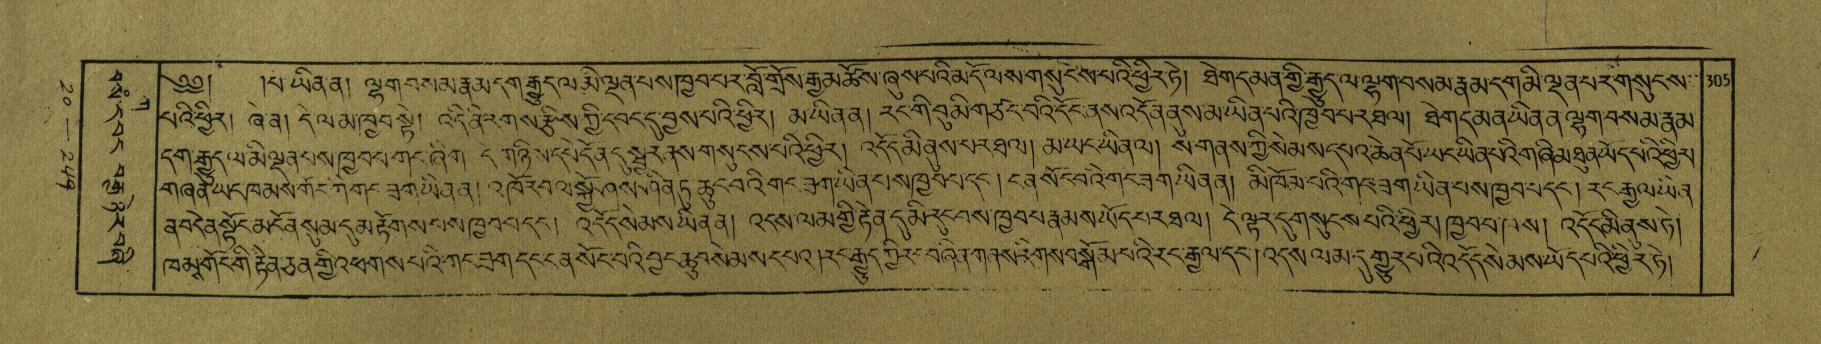༄༅། །པ་ཡིན་ན། ལྷག་བསམ་རྣམ་དག་རྒྱུད་ལ་མི་ལྡན་པས་ཁྱབ་པར་བློ་གྲོས་རྒྱ་མཚོས་ཞུས་པའི་མདོ་ལས་གསུངས་པའི་ཕྱིར་ཏེ། ཐེག་དམན་གྱི་རྒྱུད་ལ་ལྷག་བསམ་རྣམ་དག་མི་ལྡན་པར་གསུངས་
པའི་ཕྱིར། ཞེ་ན། དེ་ལ་མ་ཁྱབ་སྟེ། འདི་ནི་རགས་རྩིས་ཀྱི་དབང་དུ་བྱས་པའི་ཕྱིར། མ་ཡིན་ན། རང་གི་བུ་མི་གཙང་བའི་དོང་ནས་འདོན་ནུས་མ་ཡིན་པའི་ཁྱབ་པར་ཐལ། ཐེག་དམན་ཡིན་ན་ལྷག་བསམ་རྣམ་
དག་རྒྱུད་ལ་མི་ལྡན་པས་ཁྱབ་པ་གང་ཞིག་དེ་གཉིས་དཔེ་དོན་དུ་སྦྱར་ནས་གསུངས་པའི་ཕྱིར། འདོད་མི་ནུས་པར་ཐལ། མ་ཡང་ཡིན་ལ། ས་གནས་ཀྱི་སེམས་དཔའ་ཆེན་པོ་ཡང་ཡིན་པའི་གཞི་མཐུན་ཡོད་པའི་ཕྱིར།
གཞན་ཡང་ཁམས་གོང་གི་གང་ཟག་ཡིན་ན། འཁོར་བ་ལ་སྐྱོ་ཤས་ཤིན་ཏུ་ཆུང་བའི་གང་ཟག་ཡིན་པས་ཁྱབ་པ་དང་། ངན་སོང་བའི་གང་ཟག་ཡིན་ན། མི་ཁོམ་པའི་གང་ཟག་ཡིན་པས་ཁྱབ་པ་དང་། རང་རྒྱལ་ཡིན་
ན་བདེན་སྟོང་མངོན་སུམ་དུ་མ་རྟོགས་པས་ཁྱབ་པ་དང་། འདོད་སེམས་ཡིན་ན། འདས་ལམ་གྱི་རྟེན་དུ་མི་རུང་བས་ཁྱབ་པ་རྣམས་ཡོད་པར་ཐལ། དེ་ལྟར་དུ་གསུངས་པའི་ཕྱིར། ཁྱབ་པ་ཁས། འདོད་མི་ནུས་ཏེ།
ཁམས་གོང་གི་རྟེན་ཅན་གྱི་འཕགས་པའི་གང་ཟག་དང་ངན་སོང་བའི་བྱང་ཆུབ་སེམས་དཔའ། རང་རྒྱུད་ཀྱི་རང་བཞིན་གནས་རིགས་བསྒོམ་པའི་རང་རྒྱལ་དང་། འདས་ལམ་དུ་གྱུར་པའི་འདོད་སེམས་ཡོད་པའི་ཕྱིར་ཏེ།